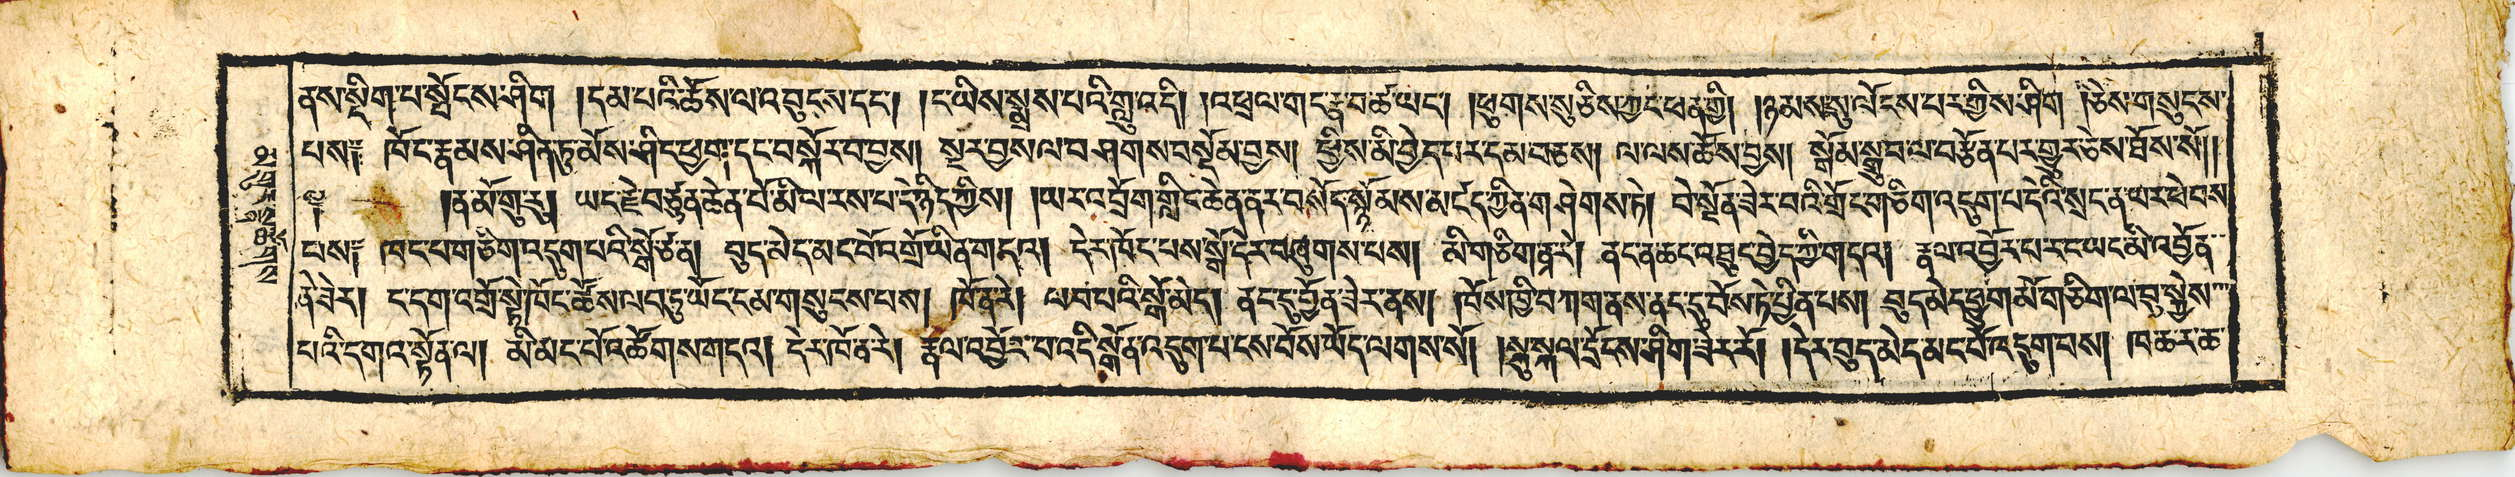ནས་སྡིག་པ་སྤོངས་ཤིག །དམ་པའི་ཆོས་ལ་འབུངས་དང་། །ང་ཡིས་སྨྲས་པའི་གླུ་འདི། །འཕྲལ་གང་རྣ་བ་ཚ་ཡང། །ཕུགས་སུ་ཅིས་ཀྱང་ཕན་གྱི། །ཉམས་སུ་ལོངས་པར་གྱིས་ཤིག །ཅེས་གསུངས་
པས། ཁོང་རྣམས་ཤིན་ཏུ་མོས་ཤིང་ཕྱག་དང་བསྐོར་བ་བྱས། སྔར་བྱས་ལ་བཤགས་བསྡོམ་བྱས། ཕྱིས་མི་བྱེད་པར་དམ་བཅས། ལ་ལས་ཆོས་བྱས། སྒོམ་སྒྲུབ་ལ་བརྩོན་པར་གྱུར་ཅེས་ཐོས་སོ།།
༈ ན་མོ་གུ་རུ། ཡང་རྗེ་བཙུན་ཆེན་པོ་མི་ལ་རས་པ་དེ་ཉིད་ཀྱིས། །ཡར་འབྲོག་གླིང་ཆེན་ནར་བསོད་སྙོམས་མཛད་ཀྱིན་གཤེགས་ཏེ། བེ་སྔོན་ཟེར་བའི་གྲོང་གཅིག་འདུག་པ་དེའི་སྲང་ན་ཡར་ཕེབས་
པས། ཁང་པ་གཅིག་འདུག་པའི་སྒོ་ཙ་ན། བུད་མེད་མང་པོ་འགྲོ་ཡིན་གདའ། དེར་ཁོང་པས་སྒོ་དེར་བཞུགས་པས། མི་གཅིག་ན་རེ། ནང་ན་ཆང་བཐུང་བྱེད་ཀྱི་གདའ། རྣལ་འབྱོར་པ་རང་ཡང་མི་འབྱོན་
ནེ་ཟེར། ང་དག་འགྲོ་སྟེ་ཁོང་ཚོས་ལབ་ཏུ་ཡོང་ངམ་གསུངས་པས། ཁོ་ན་རེ། ལབ་པའི་སྒོ་མེད། ནང་དུ་བྱོན་ཟེར་ནས། ཁོས་ཁྱི་བཀག་ནས་ནང་དུ་བོས་ཏེ་བྱིན་པས། བུད་མེད་ཕྱུག་མོ་གཅིག་ལ་བུ་སྐྱེས་
པའི་དགའ་སྟོན་ལ། མི་མང་པོ་འཚོགས་གདའ། དེར་ཁོ་ན་རེ། རྣལ་འབྱོར་་པ་འདི་སྒོ་ན་འདུག་པ་ངས་བོས་ཡོད་ལགས་སོ། །སྐུ་སྐལ་དྲོངས་ཤིག་ཟེར་རོ། །དེར་བུད་མེད་མང་པོ་འདུག་བས། ཁ་ཆར་ཆ་